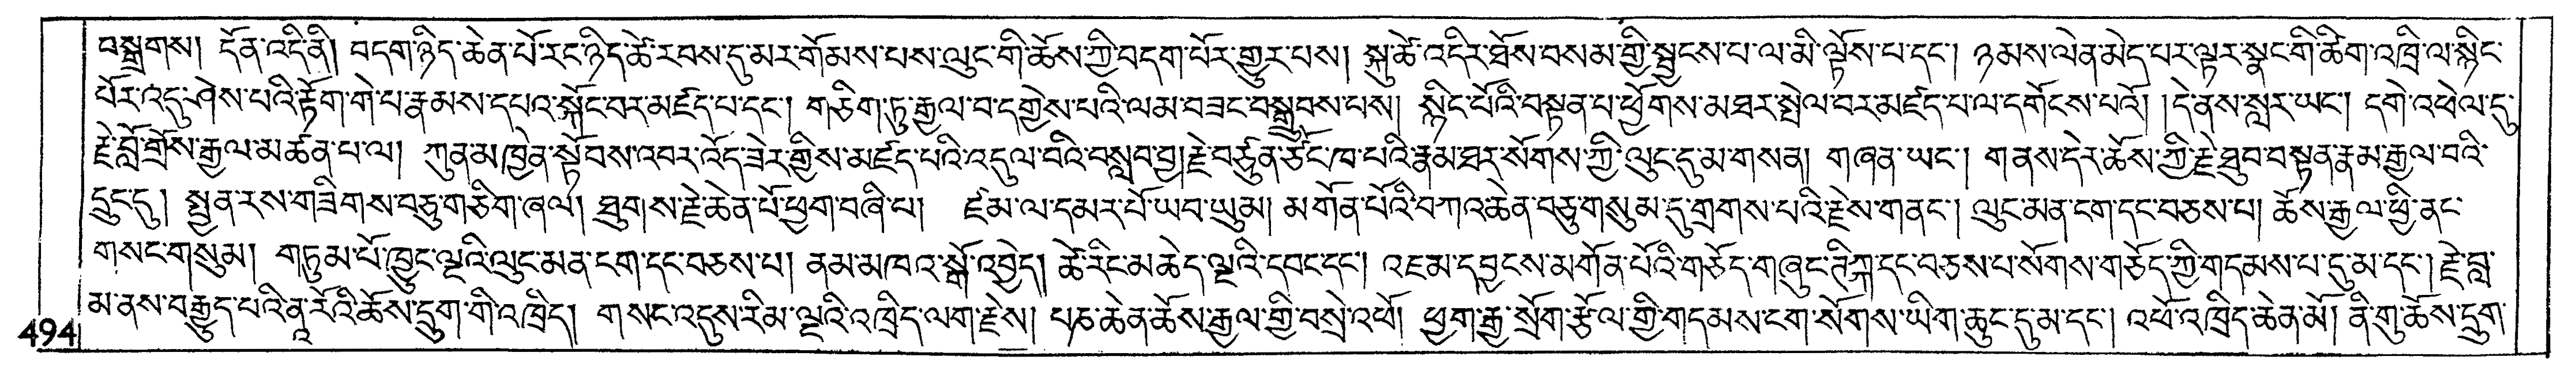བསྒྲགས། དོན་འདི་ནི། བདག་ཉིད་ཆེན་པོ་རང་ཉིད་ཚེ་རབས་དུ་མར་གོམས་པས་ལུང་གི་ཆོས་ཀྱི་བདག་པོར་གྱུར་པས། སྐུ་ཚེ་འདིར་ཐོས་བསམ་གྱི་སྦྱངས་པ་ལ་མི་ལྟོས་པ་དང་། ཉམས་ལེན་མེད་པར་ལྟར་སྣང་གི་ཚིག་འཁྲི་ལ་སྙིང་
པོར་འདུ་ཤེས་པའི་རྟོག་གེ་པ་རྣམས་དཔའ་སྐོང་བར་མཛད་པ་དང་། གཅིག་ཏུ་རྒྱལ་བ་དགྱེས་པའི་ལམ་བཟང་བསྒྲུབས་པས། སྙིང་པོའི་བསྟན་པ་ཕྱོགས་མཐར་སྤེལ་བར་མཛད་པ་ལ་དགོངས་པའོ། །དེ་ནས་སླར་ཡང་། དགེ་འཕེལ་དུ་
རྗེ་བློ་གྲོས་རྒྱལ་མཚན་པ་ལ། ཀུན་མཁྱེན་སྟོབས་འབར་འོད་ཟེར་གྱིས་མཛད་པའི་འདུལ་བའི་བསླབ་བྱ། རྗེ་བཙུན་ཙོང་ཁ་པའི་རྣམ་ཐར་སོགས་ཀྱི་ལུང་དུ་མ་གསན། གཞན་ཡང་། གནས་དེར་ཆོས་ཀྱི་རྗེ་ཐུབ་བསྟན་རྣམ་རྒྱལ་བའི་
དྲུང་དུ། སྤྱན་རས་གཟིགས་བཅུ་གཅིག་ཞལ། ཐུགས་རྗེ་ཆེན་པོ་ཕྱག་བཞི་པ། ཛམ་ལ་དམར་པོ་ཡབ་ཡུམ། མགོན་པོའི་བཀའ་ཆེན་བཅུ་གསུམ་དུ་གྲགས་པའི་རྗེས་གནང་། ལུང་མན་ངག་དང་བཅས་པ། ཆོས་རྒྱལ་ཕྱི་ནང་
གསང་གསུམ། གཏུམ་པོ་ཁྱུང་ལྔའི་ལུང་མན་ངག་དང་བཅས་པ། ནམ་མཁའ་སྒོ་འབྱེད། ཚེ་རིང་མཆེད་ལྔའི་དབང་དང་། འཇམ་དབྱངས་མགོན་པོའི་གཅོད་གཞུང་ཊིཀྐ་དང་བཅས་པ་སོགས་གཅོད་ཀྱི་གདམས་པ་དུ་མ་དང་། རྗེ་བླ་
མ་ནས་བརྒྱུད་པའི་ནཱ་རོའི་ཆོས་དྲུག་གི་འཁྲིད། གསང་འདུས་རིམ་ལྔའི་འཁྲིད་ལག་རྗེས། པཎ་ཆེན་ཆོས་རྒྱལ་གྱི་བསྲེ་འཕོ། ཕྱག་རྒྱ་སྲོག་རྩོལ་གྱི་གདམས་ངག་སོགས་ཡིག་ཆུང་དུ་མ་དང་། འཕོ་འཁྲིད་ཆེན་མོ། ནི་གུ་ཆོས་དྲུག་